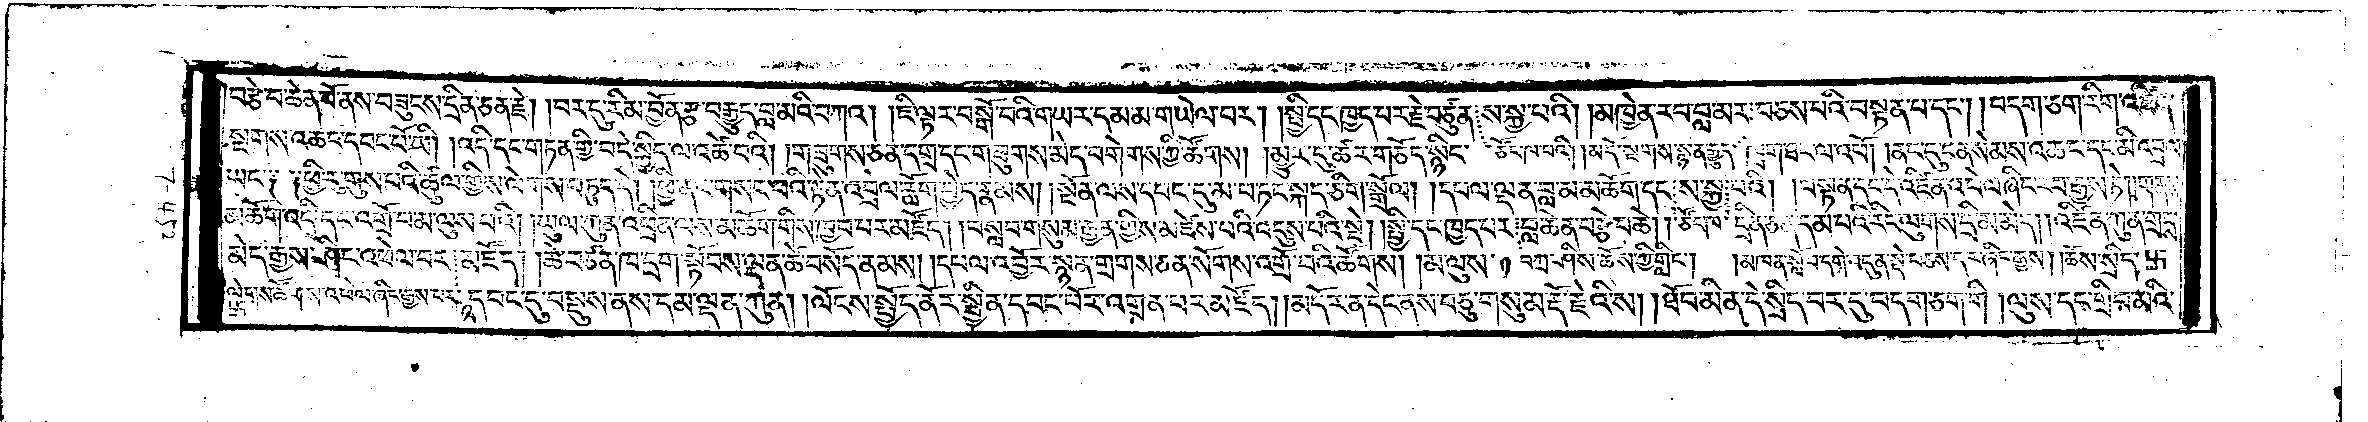བརྩེ་བ་ཆེན་པོ་ནས་བཟུངས་དྲིན་ཅན་རྗེ། །བར་དུ་རིམ་བྱོན་རྩ་བརྒྱུད་བླ་མའི་བཀའ། །ཇི་ལྟར་བསྒོ་བའི་གཡར་དམ་མ་གཡེལ་བར། །སྤྱི་དང་ཁྱད་པར་རྗེ་བཙུན་ཙོང་ཁ་པའི།  ས་སྐྱ་པའི། །མཁྱེན་རབ་བླ་མར་མདོ་སྔགས་སྙན་རྒྱུད་བཅས་པའི་བསྟན་པ་དང་། །བདག་ཅག་རིག་འཛིན་
སྔགས་འཆང་དབང་པོ་ཡི། །འདི་དང་གཏན་གྱི་བདེ་སྐྱིད་ལ་འཚེ་བའི། །གཟུགས་ཅན་དགྲ་དང་གཟུགས་མེད་བགེགས་ཀྱི་ཚོགས། །མྱུར་དུ་ཚར་གཅོད་སྙིང་ཁྲག་ཐང་ལ་འཕོ། །ནང་དུ་ངེན་སེམས་འཆང་དང་མི་འབྲལ་
ཡང༑ ༑ཕྱི་རུ་གུས་པའི་ཚུལ་གྱིས་ལེགས་བཏུད་དེ། །ཕྱི་ནང་གསང་བའི་རྟེན་འབྲེལ་རློག་བྱེད་རྣམས། །སྔོན་ལས་དབང་དུ་མ་བཏང་སྐད་ཅིག་སྒྲོལ། །དཔལ་ལྡན་བླ་མ་མཆོག་དང་ཙོང་ཁ་ས་སྐྱ་ཙོང་ཁ་པའི། །བསྟན་དང་དེ་འཛིན་འཕེལ་ཞིང་རབ་རྒྱས་ཏེ། །གནས་
མཆོག་འདི་དང་འགྲོ་བ་མ་ལུས་པའི། །ཡུལ་ཀུན་འཕྲིན་ལས་མཆོག་གིས་ཁྱབ་པར་མཛོད། །བསླབ་གསུམ་རྒྱན་གྱིས་མཛེས་པའི་འདུས་པའི་སྔེ། །སྤྱི་དང་ཁྱད་པར་བཀྲ་ཤིས་ཆོས་ཀྱི་གླིང?།  བླ་ཆེན་བརྩེ་བ་ཆེ། །དྲིན་ཅན་དམ་པའི་རིང་ལུགས་དྲི་མ་མེད། །འཛིན་ཀུན་གྲངས་
མེད་རྒྱས་ཤིང་འཕེལ་བར་ལེགས་ཚོགས་འཕེལ་ཞིང་རྒྱས་པར་མཛོད། །ཆེ་བཙན་ཁ་དྲག་སྟོབས་ལྡན་ཚེ་བསོད་ནམས། །དཔལ་འབྱོར་སྙན་གྲགས་ཅན་སོགས་འགྲོ་བའི་ཚོགས། །མ་ལུས ༡་།མཁན་སློབ་དགེ་འདུན་སྡེ་བཅས་དར་ཞིང་རྒྱས། །ཆོས་སྲིད་
དབང་དུ་བསྡུས་ནས་དམ་ལྡན་ཀུན། །ལོངས་སྤྱོད་ནོར་སྦྱིན་དབང་པོར་འགྲན་པར་མཛོད། །མདོར་ན་དེང་ནས་བཅུ་གསུམ་རྡོ་རྗེའི་ས། །ཐོབ་མིན་དེ་སྲིད་བར་དུ་བདག་ཅག་གི །ལུས་དང་གྲིབ་མའི་